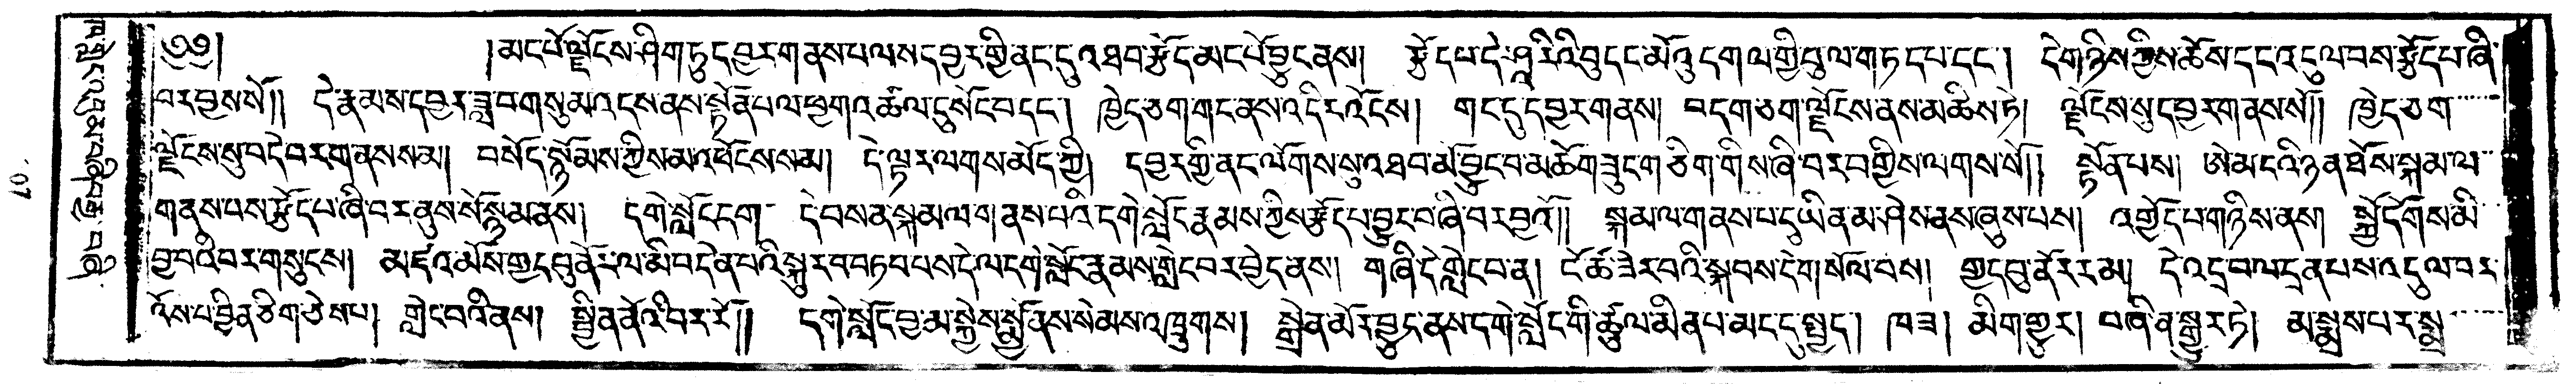༄༅། །མང་པོ་ལྗོངས་ཤིག་ཏུ་དབྱར་གནས་པ་ལས་དབྱར་གྱི་ནང་དུ་འཐབ་རྩོད་མང་པོ་བྱུང་ནས། རྩོད་པ་དེ་ཤཱ་རིའི་བུ་དང་མོའུ་དགལ་གྱི་བུ་ལ་གཏད་པ་དང་། དེ་གཉིས་ཀྱིས་ཆོས་དང་འདུལ་བས་རྩོད་པ་ཞི་
བར་བྱས་སོ།། དེ་རྣམས་དབྱར་ཟླ་བ་གསུམ་འདས་ནས་སྟོན་པ་ལ་ཕྱག་འཚལ་དུ་སོང་བ་དང་། ཁྱེད་ཅག་གང་ནས་འདིར་འོངས། གང་དུ་དབྱར་གནས། བདག་ཅག་ལྗོངས་ནས་མཆིས་ཏེ། ལྗོངས་སུ་དབྱར་གནས་སོ།། ཁྱེད་ཅག་
ལྗོངས་སུ་བདེ་བར་གནས་སམ། བསོད་སྙོམས་ཀྱིས་མ་འཕོངས་སམ། དེ་ལྟར་ལགས་མོད་ཀྱི། དབྱར་གྱི་ནང་ལོགས་སུ་འཐབ་མོ་བྱུང་བ་མཆོག་ཟུང་གཅིག་གིས་ཞི་བར་བགྱིས་ལགས་སོ།། སྟོན་པས། ཨེ་མངའི་ཉན་ཐོས་སྐམ་ལ་
གནས་པས་རྩོད་པ་ཞི་བར་ནུས་སོ་སྙམ་ནས། དགེ་སློང་དག་དེ་བས་ན་སྐམ་ལ་གནས་པའི་དགེ་སློང་རྣམས་ཀྱིས་རྩོད་པ་བྱུང་བ་ཞི་བར་བྱའོ།། སྐམ་ལ་གནས་པ་དུ་ཡིན་མ་ཤེས་ནས་ཞུས་པས། འགྱོད་པ་གཉིས་ནས། སྐྱོ་དོགས་མི་
བྱ་བའི་བར་གསུངས། མཛའ་མོས་གྱང་བུ་ནོར་ལ་མི་བདེན་པའི་སྐུར་བ་བཏབ་པས་དེ་ལ་དགེ་སློང་རྣམས་གླེང་བར་བྱེད་ནས། གཞི་དེ་གླེང་བ་ན། ངོ་ཚ་ཟེར་བའི་སྐབས་དེ་གསོལ་བས། གྱད་བུ་ནོར་རམ། དེ་འདྲ་བ་ལ་དྲན་པས་འདུལ་བར་
འོས་པ་བྱིན་ཅིག་ཅེས་པ། གླེང་བའི་ནས། སྦྱིན་ནོའི་བར་རོ།། དགེ་སློང་བྱ་མ་སྐྱེས་སྨྱོ་ནས་སེམས་འཁྲུགས། སྒྲེན་མོར་བྱུང་ནས་དགེ་སློང་གི་ཚུལ་མིན་པ་མང་དུ་སྤྱད། ཁ་ཟ། མིག་གྱུར། བཞི་ན་སྒྱུར་ཏེ། མ་སྨྲས་པར་སྨྲས་